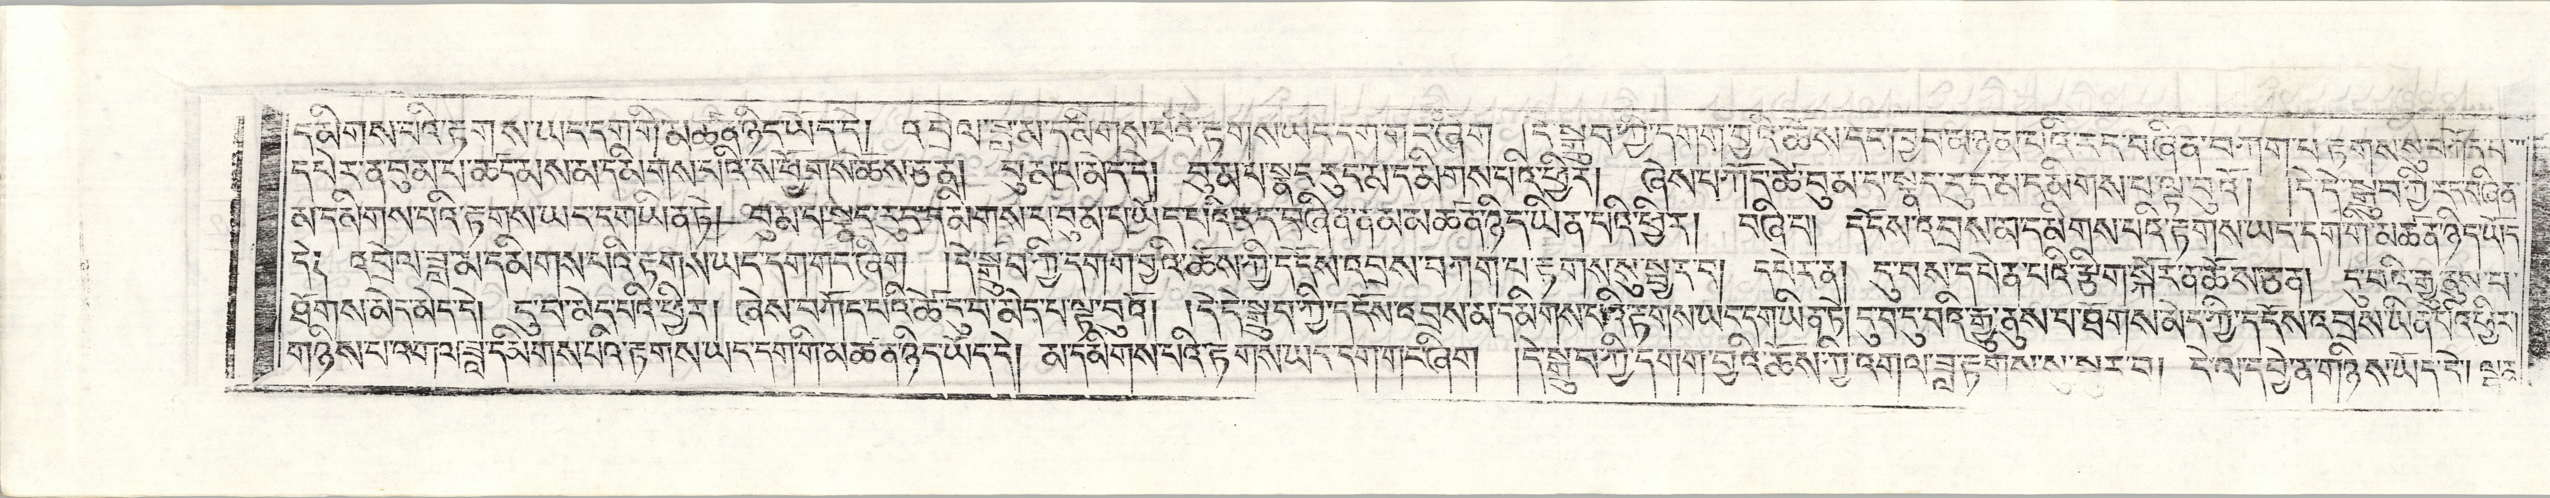དམིགས་པའི་རྟགས་ཡང་དག་གི་མཚན་ཉིད་ཡོད་དེ། འབྲེལ་ཟླ་མ་དམིགས་པའི་རྟགས་ཡང་དག་གང་ཞིག །དེ་སྒྲུབ་ཀྱི་དགག་བྱའི་ཆོས་དང་ཁྱབ་མཉམ་པའི་རང་བཞིན་བཀག་པ་རྟགས་སུ་བཀོད་པ། དཔེར་ན། བུམ་པ་ཚད་མས་མ་དམིགས་པའི་ས་ཕྱོགས་ཆོས་ཅན། བུམ་པ་མེད་དེ། བུམ་པ་སྣང་རུང་མ་དམིགས་པའི་ཕྱིར། ཞེས་བཀོད་ཚེ་བུམ་པ་སྣང་རུང་མ་དམིགས་པ་ལྟ་བུའོ། །དེ་དེ་སྒྲུབ་ཀྱི་རང་བཞིན་
མ་དམིགས་པའི་རྟགས་ཡང་དག་ཡིན་ཏེ། བུམ་པ་སྣང་རུང་དམིགས་པ་བུམ་པ་ཡོད་པའི་རང་བཞིན་ནམ་མཚན་ཉིད་ཡིན་པའི་ཕྱིར། བཞི་བ། དངོས་འབྲས་མ་དམིགས་པའི་རྟགས་ཡང་དག་གི་མཚན་ཉིད་ཡོད་
དེ། འབྲེལ་ཟླ་མ་དམིགས་པའི་རྟགས་ཡང་དག་གང་ཞིག །དེ་སྒྲུབ་ཀྱི་དགག་བྱའི་ཆོས་ཀྱི་དངོས་འབྲས་བཀག་པ་རྟགས་སུ་སྦྱར་བ། དཔེར་ན། དུ་བས་དབེན་པའི་རྩིག་སྐོར་ན་ཆོས་ཅན། དུ་བའི་དངོས་རྒྱུ་ནུས་པ་
ཐོགས་མེད་མེད་དེ། དུ་བ་མེད་པའི་ཕྱིར། ཞེས་བཀོད་པའི་ཚེ་དུ་བ་མེད་པ་ལྟ་བུའོ། །དེ་དེ་སྒྲུབ་ཀྱི་དངོས་འབྲས་མ་དམིགས་པའི་རྟགས་ཡང་དག་ཡིན་ཏེ། དུ་བ་དུ་བའི་རྒྱུ་ནུས་པ་ཐོགས་མེད་ཀྱི་དངོས་འབྲས་ཡིན་པའི་ཕྱིར།
གཉིས་པ་འགལ་ཟླ་དམིགས་པའི་རྟགས་ཡང་དག་གི་མཚན་ཉིད་ཡོད་དེ། མ་དམིགས་པའི་རྟགས་ཡང་དག་གང་ཞིག །དེ་སྒྲུབ་ཀྱི་དགག་བྱའི་ཆོས་ཀྱི་འགལ་ཟླ་རྟགས་སུ་སྦྱར་བ། དེ་ལ་དབྱེ་ན་གཉིས་ཡོད་དེ། ལྷན་